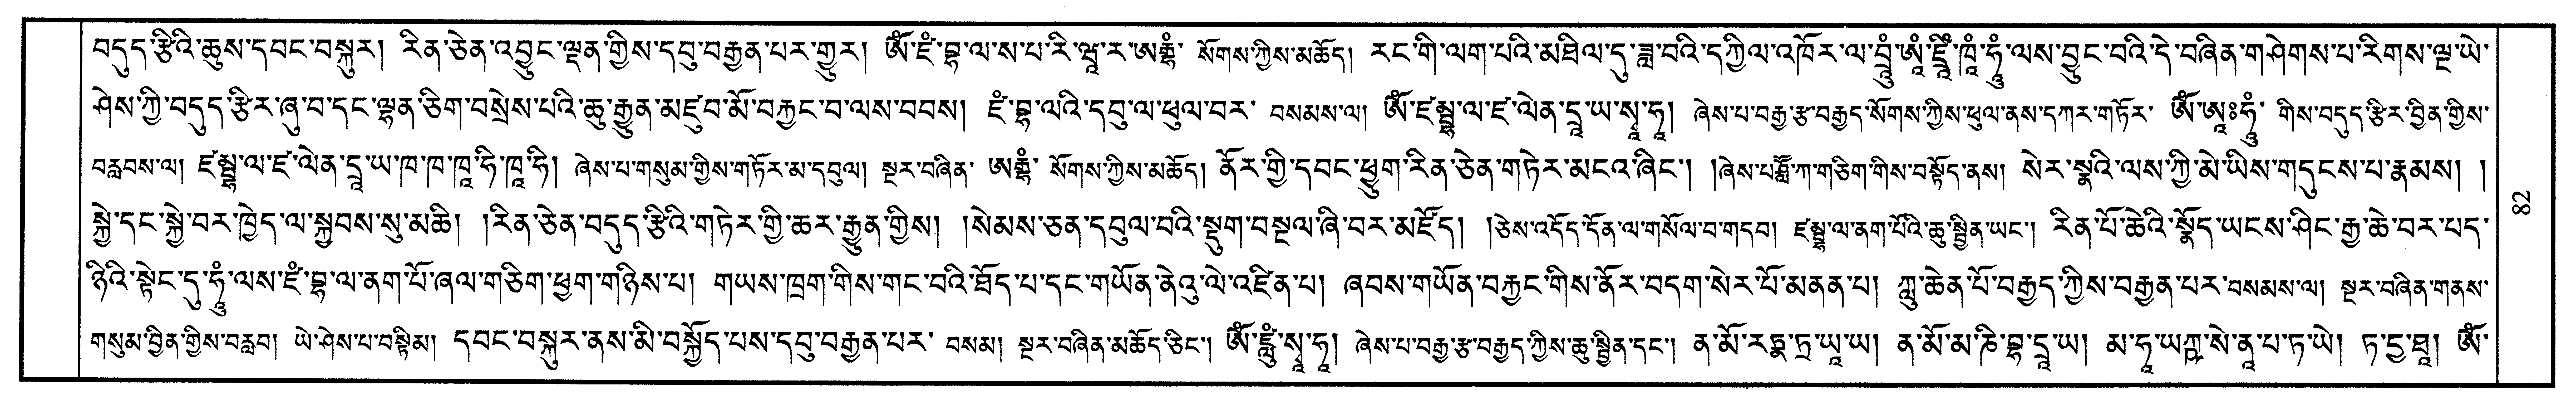བདུད་རྩིའི་ཆུས་དབང་བསྐུར། རིན་ཅེན་འབྱུང་ལྡན་གྱིས་དབུ་བརྒྱན་པར་གྱུར། ཨོཾ་ཛཾ་བྷ་ལ་ས་པ་རི་ཝཱ་ར་ཨརྒྷཾ་སོགས་ཀྱིས་མཆོད། རང་གི་ལག་པའི་མཐིལ་དུ་ཟླ་བའི་དཀྱིལ་འཁོར་ལ་བྲཱུཾ་ཨཱཾ་ཛྲཱིཾ་ཁཱཾ་ཧཱུཾ་ལས་བྱུང་བའི་དེ་བཞིན་གཤེགས་པ་རིགས་ལྔ་ཡེ་
ཤེས་ཀྱི་བདུད་རྩིར་ཞུ་བ་དང་ལྷན་ཅིག་བསྲེས་པའི་ཆུ་རྒྱུན་མཛུབ་མོ་བརྐྱང་བ་ལས་བབས། ཛཾ་བྷ་ལའི་དབུ་ལ་ཕུལ་བར་བསམས་ལ། ཨོཾ་ཛམྦྷ་ལ་ཛ་ལེན་དྲཱ་ཡ་སྭཱ་ཧཱ། ཞེས་པ་བརྒྱ་རྩ་བརྒྱད་སོགས་ཀྱིས་ཕུལ་ནས་དཀར་གཏོར། ཨོཾ་ཨཱཿ ཧཱུཾ་གིས་བདུད་རྩིར་བྱིན་གྱིས་
བརླབས་ལ། ཛམྦྷ་ལ་ཛ་ལེན་དྲཱ་ཡ་ཁ་ཁ་ཁཱ་ཧི་ཁཱ་ཧི། ཞེས་པ་གསུམ་གྱིས་གཏོར་མ་དབུལ། སྔར་བཞིན་ཨརྒྷཾ་སོགས་ཀྱིས་མཆོད། ནོར་གྱི་དབང་ཕྱུག་རིན་ཅེན་གཏེར་མངའ་ཞིང་། །ཞེས་པ་ཤླཽ་ཀ་གཅིག་གིས་བསྟོད་ནས། སེར་སྣའི་ལས་ཀྱི་མེ་ཡིས་གདུངས་པ་རྣམས། །
སྐྱེ་དང་སྐྱེ་བར་ཁྱེད་ལ་སྐྱབས་སུ་མཆི། །རིན་ཅེན་བདུད་རྩིའི་གཏེར་གྱི་ཆར་རྒྱུན་གྱིས། །སེམས་ཅན་དབུལ་བའི་སྡུག་བསྔལ་ཞི་བར་མཛོད། །ཅེས་འདོད་དོན་ལ་གསོལ་བ་གདབ། ཛམྦྷ་ལ་ནག་པོའི་ཆུ་སྦྱིན་ཡང་། རིན་པོ་ཆེའི་སྣོད་ཡངས་ཤིང་རྒྱ་ཆེ་བར་པད་
ཉིའི་སྟེང་དུ་ཧཱུཾ་ལས་ཛཾ་བྷ་ལ་ནག་པོ་ཞལ་གཅིག་ཕྱག་གཉིས་པ། གཡས་ཁྲག་གིས་གང་བའི་ཐོད་པ་དང་གཡོན་ནེའུ་ལེ་འཛིན་པ། ཞབས་གཡོན་བརྐྱང་གིས་ནོར་བདག་སེར་པོ་མནན་པ། ཀླུ་ཆེན་པོ་བརྒྱད་ཀྱིས་བརྒྱན་པར་བསམས་ལ། སྔར་བཞིན་གནས་
གསུམ་བྱིན་གྱིས་བརླབ། ཡེ་ཤེས་པ་བསྟིམ། དབང་བསྐུར་ནས་མི་བསྐྱོད་པས་དབུ་བརྒྱན་པར་བསམ། སྔར་བཞིན་མཆོད་ཅིང་། ཨོཾ་ཛླུཾ་སྭཱ་ཧཱ། ཞེས་པ་བརྒྱ་རྩ་བརྒྱད་ཀྱིས་ཆུ་སྦྱིན་དང་། ན་མོ་རཏྣ་ཏྲ་ཡཱ་ཡ། ན་མོ་མ་ཎྀ་བྷ་དྲཱ་ཡ། མ་ཧཱ་ཡཀྵ་སེ་ནཱ་པ་ཏ་ཡེ། ཏ་དྱ་ཐཱ། ཨོཾ་